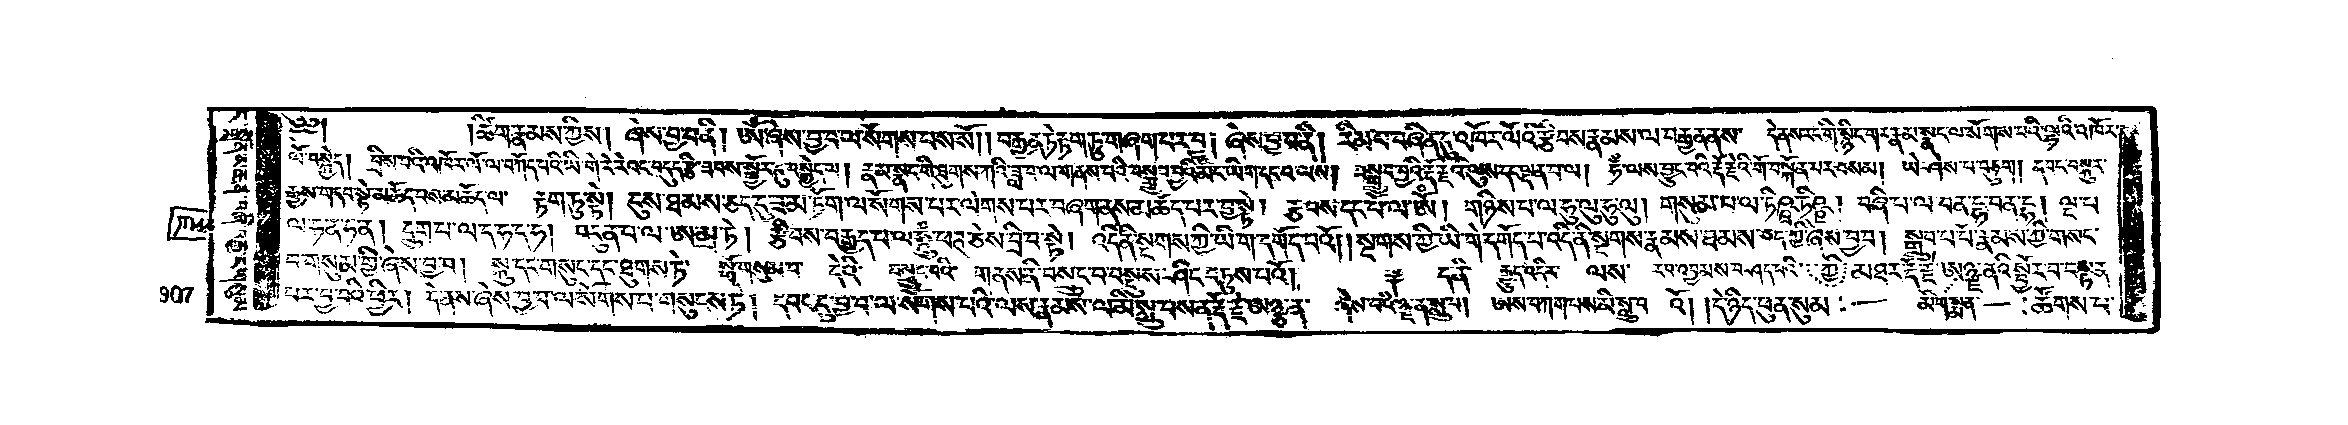༄༅། །ཚིག་རྣམས་ཀྱིས། ཞེས་བྱ་བ་ནི། ཨོཾ་ཞེས་བྱ་བ་ལ་སོགས་པས་སོ། །བརྒྱན་ཏེ་རྟག་ཏུ་གཞག་པར་བྱ། ཞེས་བྱ་བ་ནི། རིམ་པ་བཞིན་དུ་འཁོར་ལོའི་རྩིབས་རྣམས་ལ་བརྒྱན་ནས་དེ་ནས་རང་གི་སྙིང་གར་རྣམ་སྣང་ལ་སོགས་པའི་ལྷའི་འཁོར་
ལོ་བསྐྱེད། བྲིས་པའི་འཁོར་ལོ་ལ་བཀོད་པའི་ཡི་གེ་རེ་རེའང་བདུད་རྩི་ཟབས་སྦྱོར་དུ་བསྐྱེད་ལ། རྣམ་སྣང་གི་ཐུགས་ཀའི་ཟླ་བ་ལ་གནས་པའི་བསྒྲུབ་བྱའི་མིང་ཡིག་དང་པ་ལས། བསྒྲུབ་བྱའི་རྡོ་རྗེའི་ལུས་དང་ལྡན་པ་ལ། ཧཾ་ལས་བྱུང་བའི་རྡོ་རྗེའི་གོ་བསྐོན་པར་བསམ། ཡི་ཤེས་པ་བཅུག །དབང་བསྐུར་
རྒྱས་གདབ་སྟེ་མཆོད་པས་མཆོད་ལ་རྟག་ཏུ་སྟེ། དུས་ཐམས་ཅད་དུ་ཟ་མ་ཏོག་ལ་སོགས་པར་ལེགས་པར་བཞག་ནས་མཆོད་པར་བྱ་སྟེ། རྩ་བས་དང་པོ་ལ་ཨོཾ། གཉིས་པ་ལ་ཧུ་ལུ་ཧུ་ལུ། གསུམ་པྲ་ལ་ཏི་ཥཊཿཨ་ཏི་ཥཊཿཨ། བཞི་པ་ལ་བན་དྷ་བན་དྷ། ལྔ་པ་
གླ་ཧ་ན་ཧ་ན། དྲུག་པ་ལ་ད་ཧ་ད་ཧ། བདུན་པ་ལ་ཨ་མྲ་ཏེ། རྩིབས་བརྒྱད་པ་ཧཱུཾ་ཕཊ་ཅེས་བྲི་བ་སྟེ། འདི་ནི་སྔགས་ཀྱི་ཡི་གེ་དགོད་པའོ། །སྔགས་ཀྱི་ཡི་གེ་དགོད་པ་འདི་ནི་སྔགས་རྣམས་ཐམས་ཅད་ཀྱི་ཞེས་བྱ་བ། སྒྲུབ་པ་པོ་རྣམས་ཀྱི་གསང་
བ་གསུམ་གྱི་ཞེས་བྱ་བ། སྐུ་དང་གསུངས་དང་ཐུགས་ཏེ། སྒོ་གསུམ་པ་དེའི་བསྲུང་བའི་གནས་ནི་བསྲང་བ་བསྡུས་ཤིང་བཏུས་པའོ།། ༈ ད་ནི་རྒྱུད་འདིར་ལས་རབ་འབྱམས་བཤད་པའི་ཀྱི་མཐར་རྡོ་རྗེ་ཨཉྫ་ནའི་སྦྱོར་བ་བསྟན་
པར་བྱ་བའི་ཕྱིར། དེ་ནས་ཞེས་བྱ་བ་ལ་སོགས་པ་གསུངས་ཏེ། དབང་དུ་བྱ་བ་ལ་སོགས་པའི་ལས་རྣམས་ལ་མི་སླུ་བས་ར་རྡོ་རྗེ་ཨཉྩ་ན་ཞེས་པའི་ཉྫ་ན་སླུ་བ། ཨས་བཀག་པས་མི་སླུ་བའོ།  །དེ་ཉིད་ཕུན་སུམཿམིག་སྨན་ཚོགས་པ་